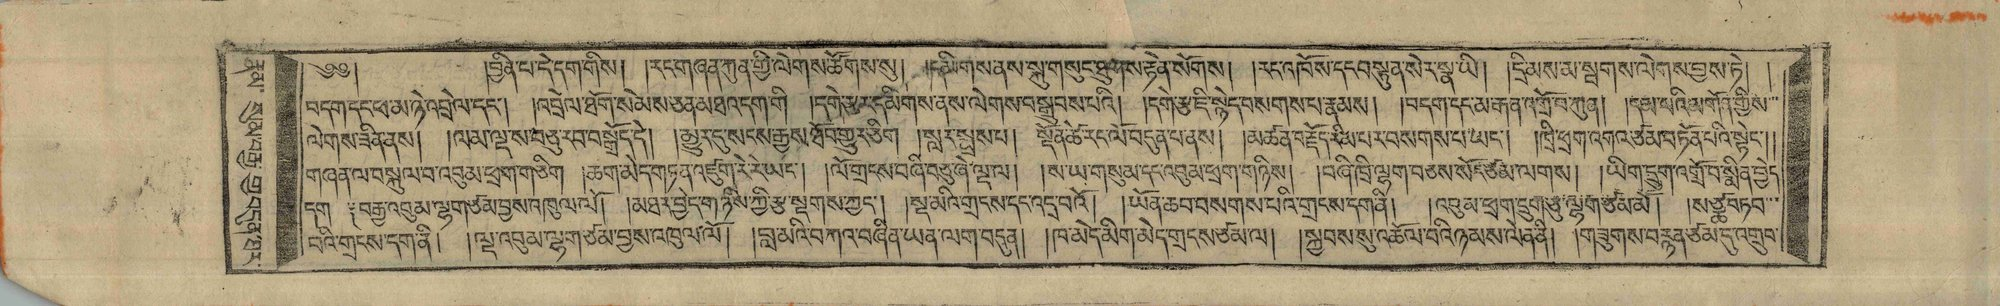༄༅། །བྱིན་པ་དེ་དག་གིས། །རང་གཞན་ཀུན་གྱི་ལེགས་ཚོགས་སུ། །དམིགས་ནས་སྐུ་གསུང་ཐུགས་རྟེན་སོགས། །རང་འཁོས་དང་བསྟུན་སེར་སྣ་ཡི། །དྲི་མས་མ་སྦགས་ལེགས་བྱས་ཏེ། །
བདག་དང་ཕ་མ་ཉེ་འབྲེལ་དང་། །འབྲེལ་ཐོག་སེམས་ཅན་མཐའ་དག་གི །དགེ་རྩར་དམིགས་ནས་ལེགས་བསྒྲུབས་པའི། །དགེ་རྩ་ཇི་སྙེད་བསགས་པ་རྣམས། །བདག་དང་མ་རྒན་འགྲོ་བ་ཀུན། །དམ་པའི་མགོན་གྱིས་
ལེགས་ཟིན་ནས། །ལམ་ལྔ་ས་བཅུ་རབ་བསྒྲོད་དེ། །མྱུར་དུ་སངས་རྒྱས་ཐོབ་གྱུར་ཅིག །སླར་སྨྲས་པ། སྔོན་ཚེ་རང་ལོ་བདུན་པ་ནས། །མཚན་བརྗོད་རིམ་པར་བསགས་པ་ཡང་། །ཁྲི་ཕྲག་འགའ་ཙམ་བཏོན་པའི་སྟེང་། །
གཞན་ལ་བསྐུལ་བ་འབུམ་ཕྲག་གཅིག །ཆག་མེད་གཏན་འཛུག་རེ་རེ་ཡང་། །ལོ་གྲངས་བཞི་བཅུ་ཞེ་ལྔ་ལ། །ས་ཡ་གསུམ་དང་འབུམ་ཕྲག་གཉིས། །བཞི་ཁྲི་ལྷག་བཅས་སོང་ཙམ་ལགས། །ཡིག་དྲུག་འགྲོ་བ་སྨིན་བྱེད་
དག ༑བརྒྱ་འབུམ་ལྷག་ཙམ་བྱས་འཁུལ་ལོ། །མཐར་བྱེད་གཉིས་ཀྱི་རྩ་སྔགས་ཀྱང་། །སྔ་མའི་གྲངས་དང་འདྲ་བའོ། །ཡོན་ཆབ་བསགས་པའི་གྲངས་དག་ནི། །འབུམ་ཕྲག་དྲུག་ཅུ་ལྷག་ཙམ་མོ། །སཙྪ་བཏབ་
པའི་གྲངས་དག་ནི། །ལྔ་འབུམ་ལྷག་ཙམ་བྱས་འཁུལ་ལོ། །བླ་མའི་བཀའ་བཞིན་ཡན་ལག་བདུན། །ཁ་མེད་མིག་མེད་གྲངས་ཙམ་ལ། །སྐྱབས་སུ་འཆོལ་བའི་ཉམས་ལེན་ནི། །གཟུགས་བརྙན་ཙམ་དུ་འགྲུབ་